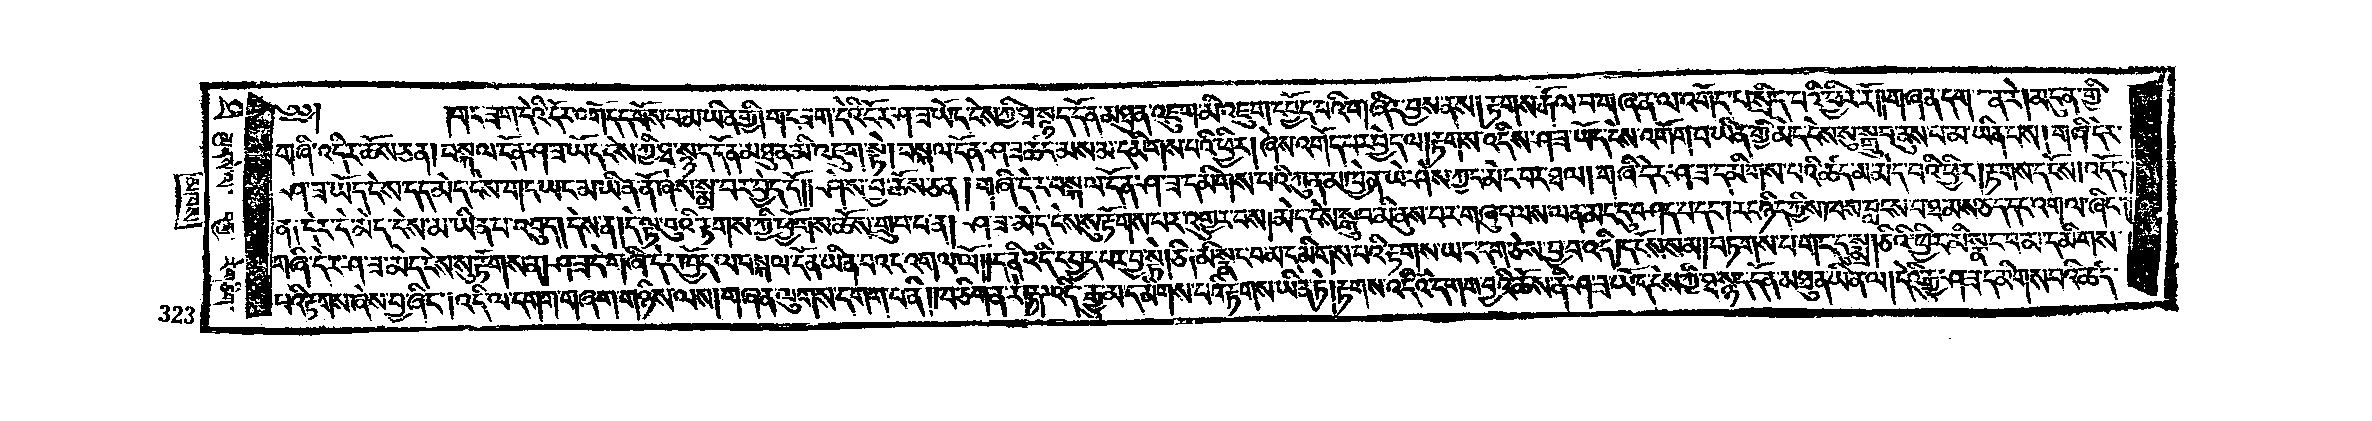༄༅། །གང་ཟག་དེའི་ངོར་འགོད་དགོས་པ་མ་ཡིན་གྱི། གང་ཟག་དེའི་ངོར་ཤ་ཟ་ཡོད་ངེས་ཀྱི་ཐ་སྙད་དོན་མཐུན་འཇུག་མི་འཇུག་དཔྱོད་པའི་གཞིར་བྱས་ནས། རྟགས་རྒོལ་བ་གཞན་ལ་འགོད་པ་སྲིད་པའི་ཕྱིར་རོ། །གཞན་དག་ན་རེ། མདུན་གྱི་
གཞི་འདིར་ཆོས་ཅན། བསྐལ་དོན་ཤ་ཟ་ཡོད་ངེས་ཀྱི་ཐ་སྙད་དོན་མཐུན་མི་འཇུག་སྟེ། བསྐལ་དོན་ཤ་ཟ་ཚད་མས་མ་དམིགས་པའི་ཕྱིར། ཞེས་འགོད་པར་བྱེད་ལ། རྟགས་འདིས་ཤ་ཟ་ཡོད་ངེས་འགོག་པ་ཡིན་གྱི་མེད་ངེས་སུ་སྒྲུབ་ནུས་པ་མ་ཡིན་པས། གཞི་དེར་
ཤ་ཟ་ཡོད་ངེས་དད་མེད་ངེས་གང་ཡང་མ་ཡིན་ནོ་ཞེས་སྨྲ་བར་བྱེད་དོ། །ཤེས་བྱ་ཆོས་ཅན། གཞི་དེར་བསྐལ་དོན་ཤ་ཟ་དམིགས་པའི་ཀུན་མཁྱེན་ཡེ་ཤེས་ཀྱང་མེད་པར་ཐལ། གཞི་དེར་ཤ་ཟ་དམིགས་པའི་ཚད་མ་མེད་པའི་ཕྱིར། རྟགས་དངོས། འདོད་
ན། དེར་དེ་མེད་ངེས་མ་ཡིན་པ་འབུད། དེས་ན། དེ་ལྟ་བུའི་རྟགས་ཀྱི་ཕྱོགས་ཆོས་གྲུབ་པ་ན། ཤ་ཟ་མེད་ངེས་སུ་རྟོགས་པར་འགྱུར་བས། མེད་ངེས་སྒྲུབ་མི་ནུས་པར་གཞུང་ལས་ལན་མང་དུ་བཤད་པ་དང་། རང་ཉིད་ཀྱིས་ཁས་བླངས་པ་ཐམས་ཅད་དང་འགལ་ཞིང་།
གཞི་དེར་ཤ་ཟ་མེད་ངེས་སུ་རྟོགས་ན། ཤ་ཟ་དེ་གཞི་དེར་ཁྱོད་ལ་བསྐལ་དོན་ཡིན་པའང་འགལ་ལོ། །ད་ནི་འདི་དཔྱད་པར་བྱ་སྟེ། ཅི། མི་སྣང་བ་མ་དམིགས་པའི་རྟགས་ཡང་དག་ཅེས་བྱ་བ་འདི། དངོས་སམ། བཏགས་པ་གང་དུ་སྨྲ། ཅིའི་ཕྱིར་མི་སྣང་བ་མ་དམིགས་
པའི་རྟགས་ཞེས་བྱ་ཞིང་། འདི་ལ་དགག་གཞག་གཉིས་ལས། གཞན་ལུགས་དགག་པ་ནི། ཁ་ཅིག་ན་རེ། རྟཌ་འདི་རྒྱུ་མ་དམིགས་པའི་རྟགས་ཡིན་ཏེ། རྟགས་འདིའི་དགག་བྱའི་ཆོས་ནི་ཤ་ཟ་ཡོད་ངེས་ཀྱི་ཐ་སྙད་དོན་མཐུན་ཡིན་ལ། དེའི་རྒྱུ་ཤ་ཟ་དམིགས་པའི་ཚད་